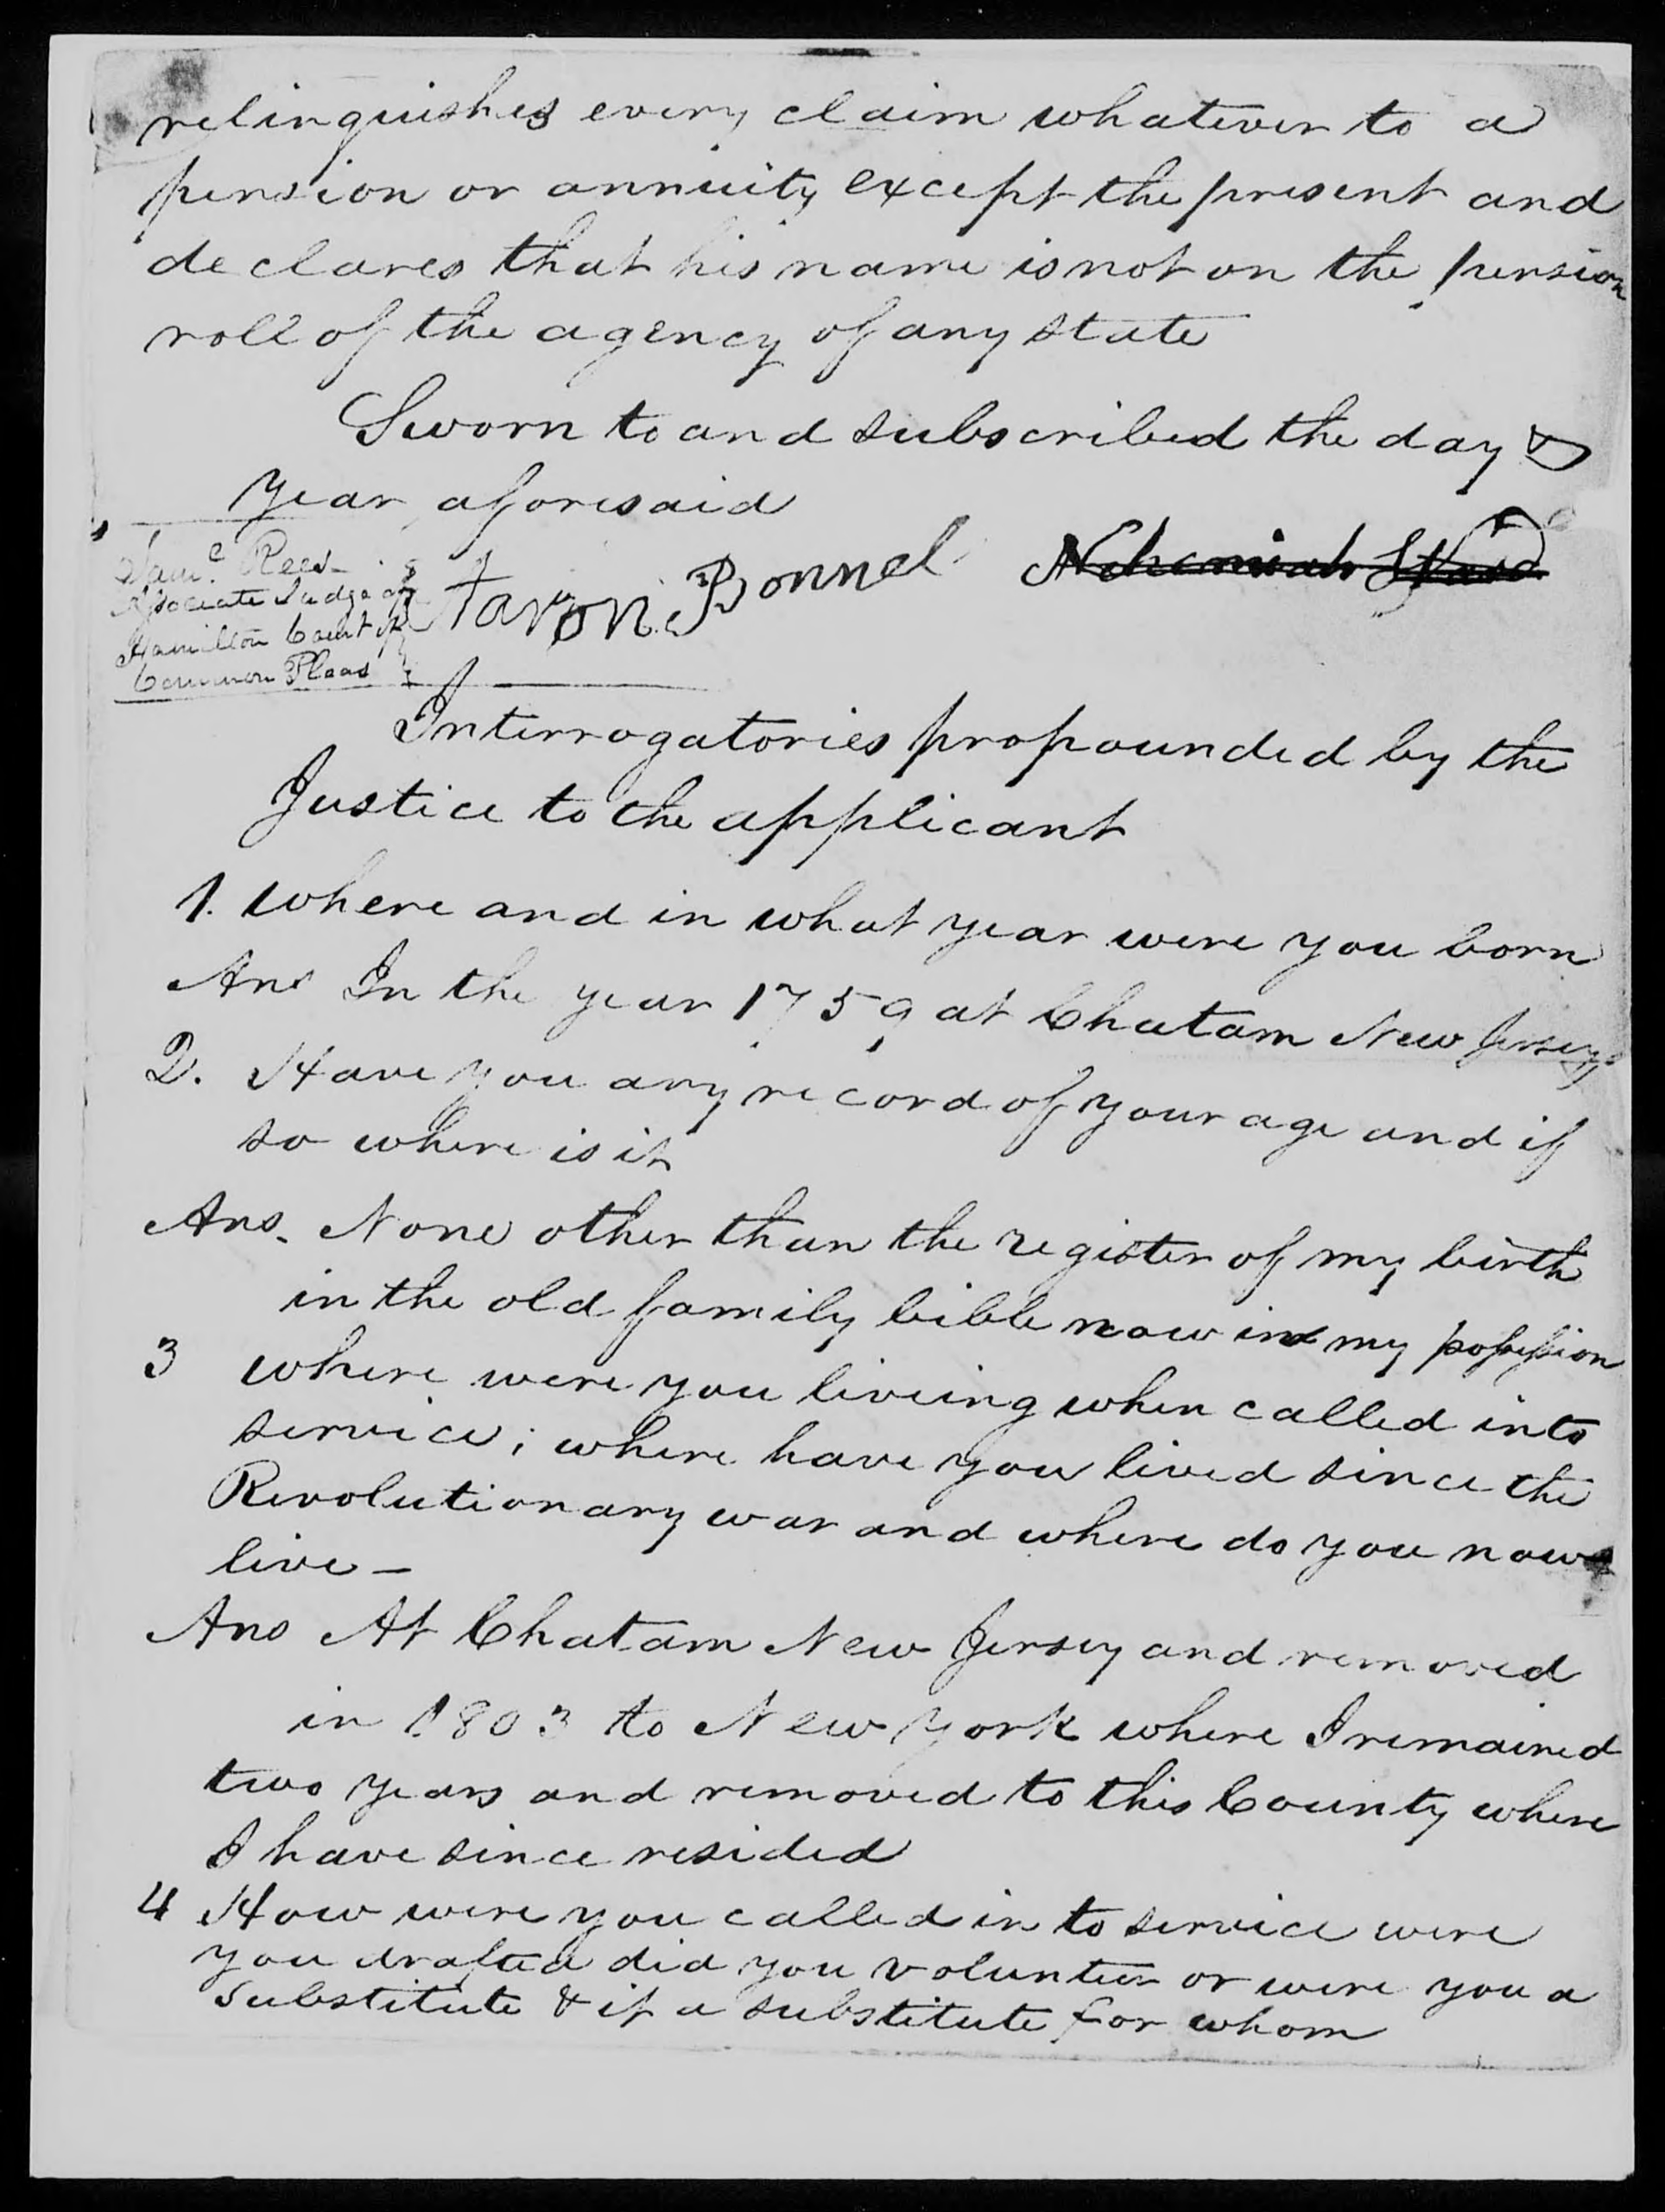relinquishes every claim whatever to a pension or annuity except the present and declares that his name is not opn the pension roll of the agency of any state. 
Sworn to and subscribed the day & year aforesaid.
Aaron Bonnel

Saml Rees Associate Judge of Hamilton Court of Common Pleas.

Interrogatories propounded by the Justice to the applicant.
1.  Where and in what year were you born.
Ans.  In the year 1759 at Chatam New Jersey
2.  Have you any record of your age and if so where is it.
Ans.  None other than the register of my birth in the old family Bible now in my possession.
3.  Where were you living when called into service; where have you lived since the Revolutionary War and where do you now live.
Ans.  At Chatam New Jersey and removed in 1803 to New York where I remained two years and removed to this County where I have since resided.
4.  How were you called into service, were you drafted, did you volunteer, or were you a substitute & if a substitute for whom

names: Nehemiah Ward, Aaron Bonnel, Saml Rees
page: 5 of 67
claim: rejected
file: R. 1009, Aaron Bonnel, New Jersey